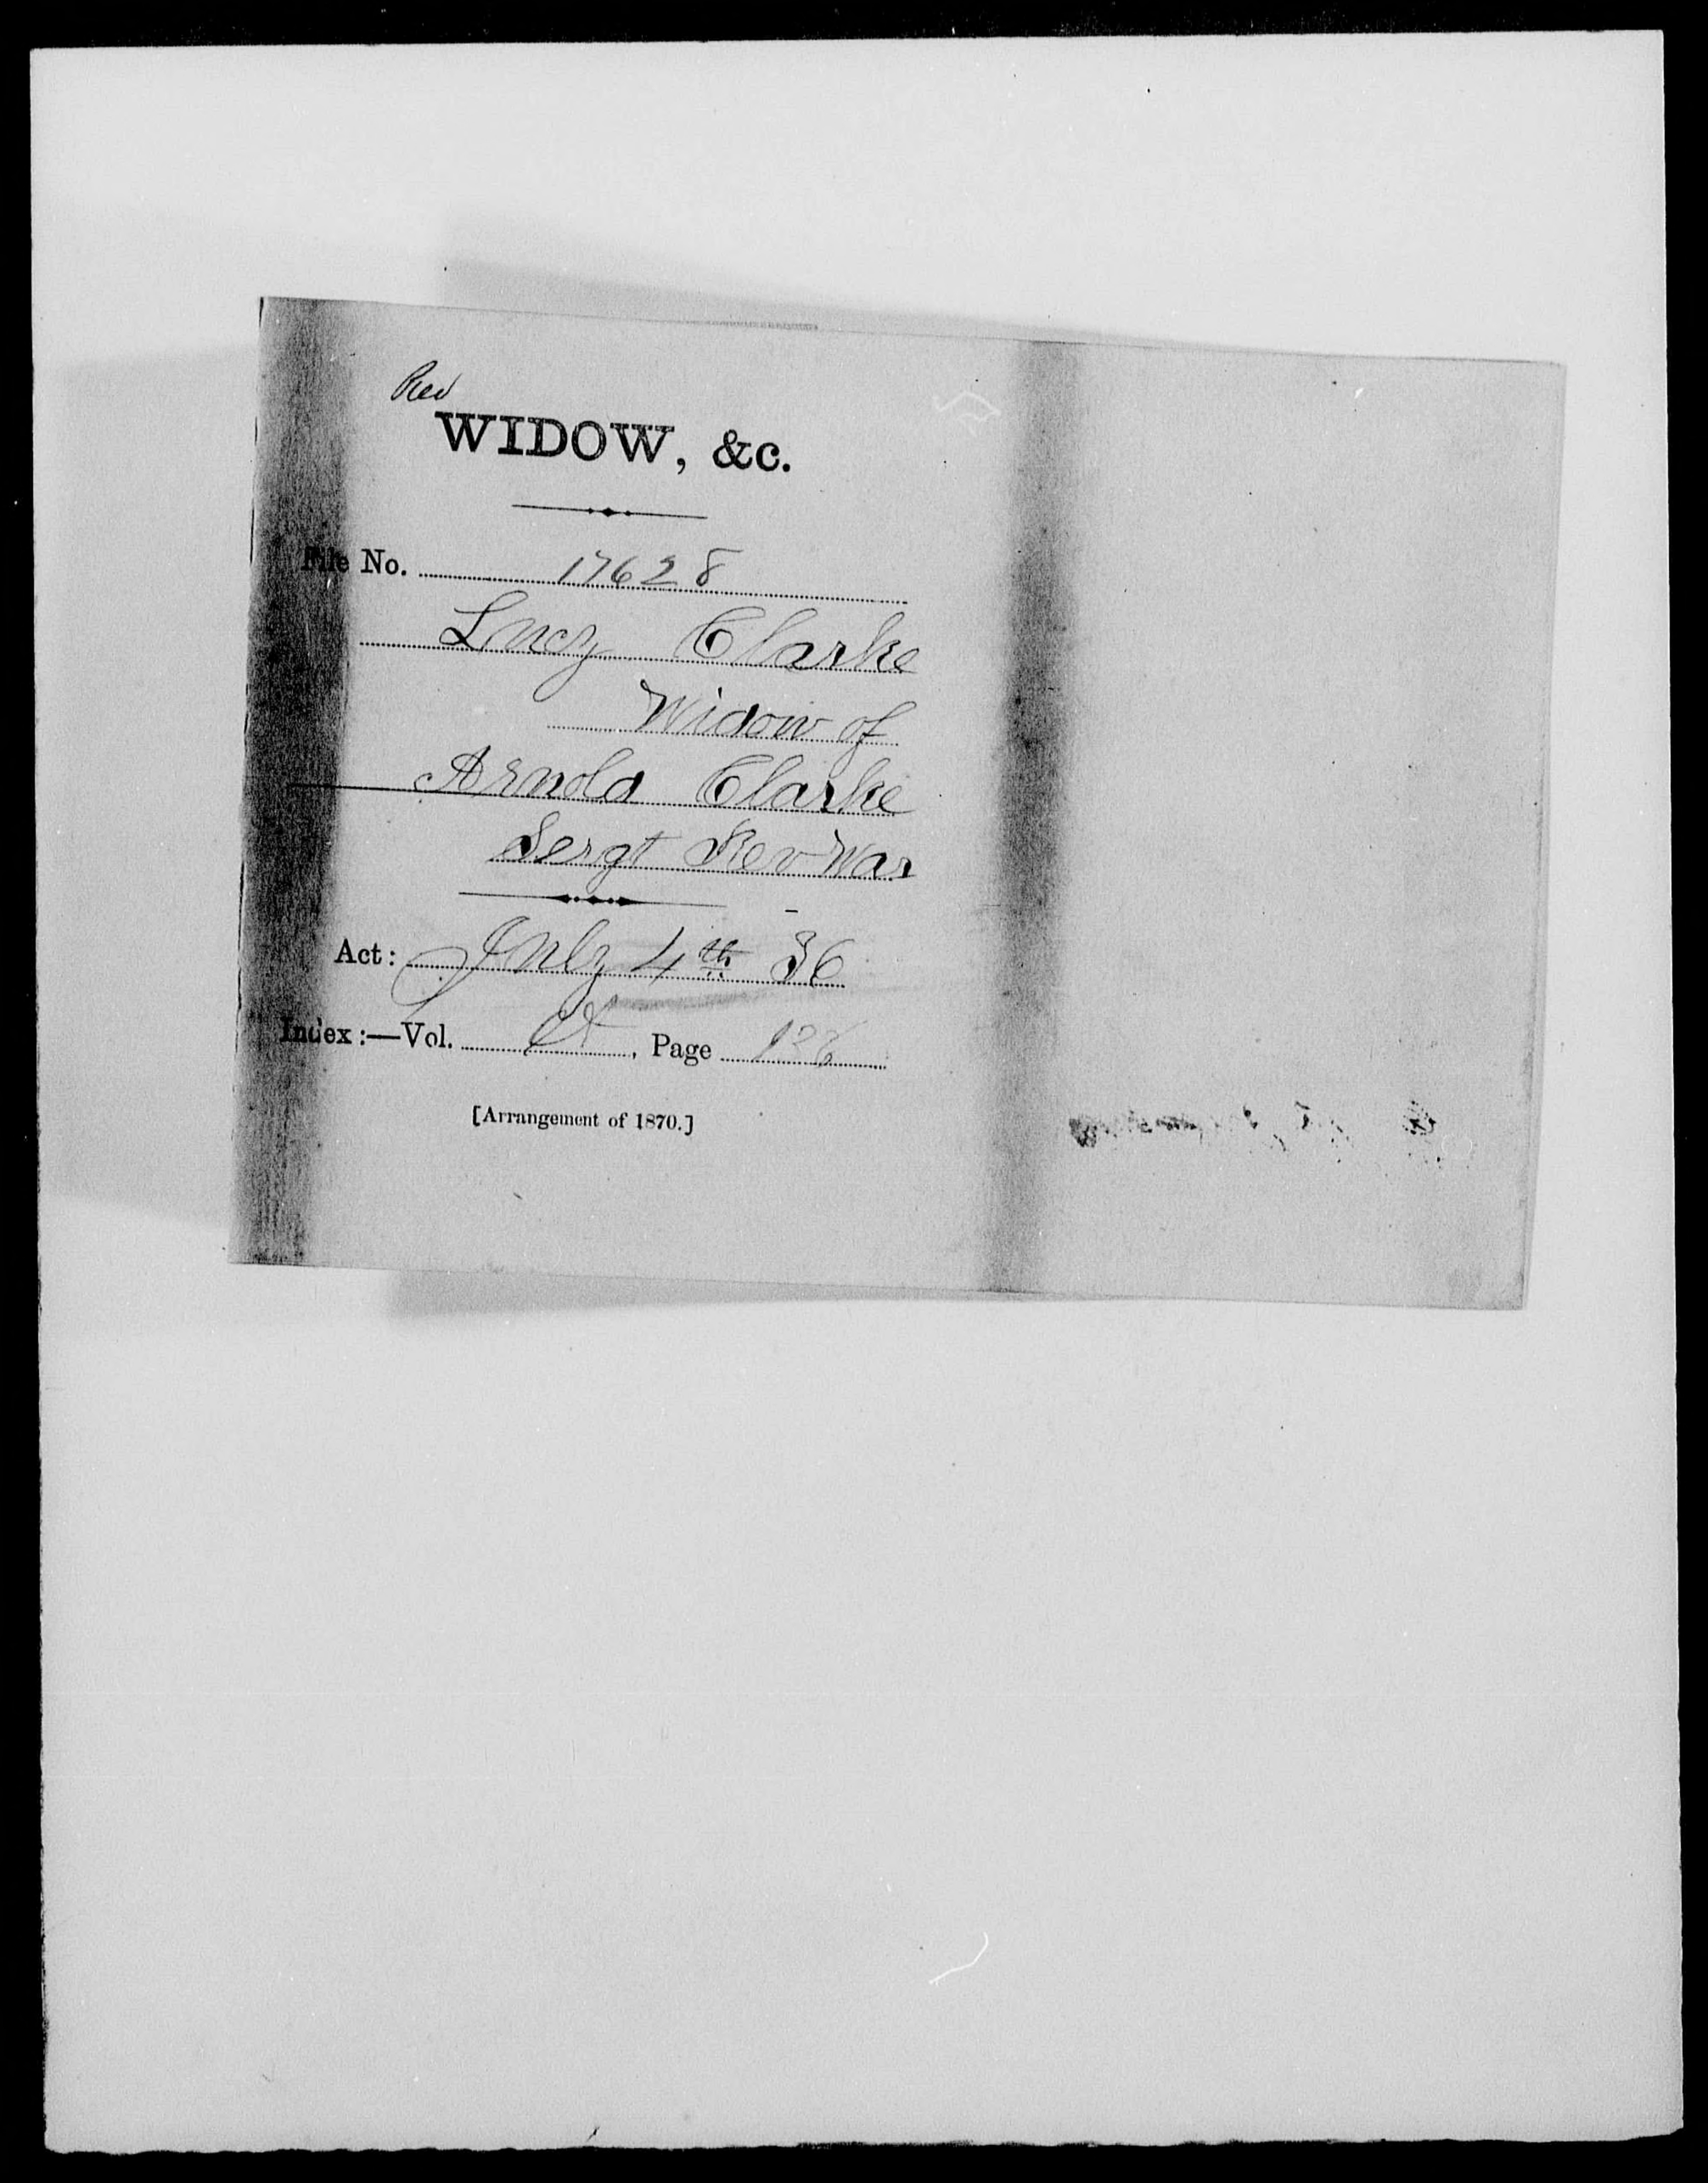Rev Widow, &c.
File No. 17628
Lucy Clarke widow of Arnold Clarke
Sergt Rev War
Act: July 4th 36
Index: Vol. A, Page 136
[Arrangement of 1870.]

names: Lucy Clarke, Arnold Clarke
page: 15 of 48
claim: widow's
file: W. 17,628, Arnold Clarke, R.I.